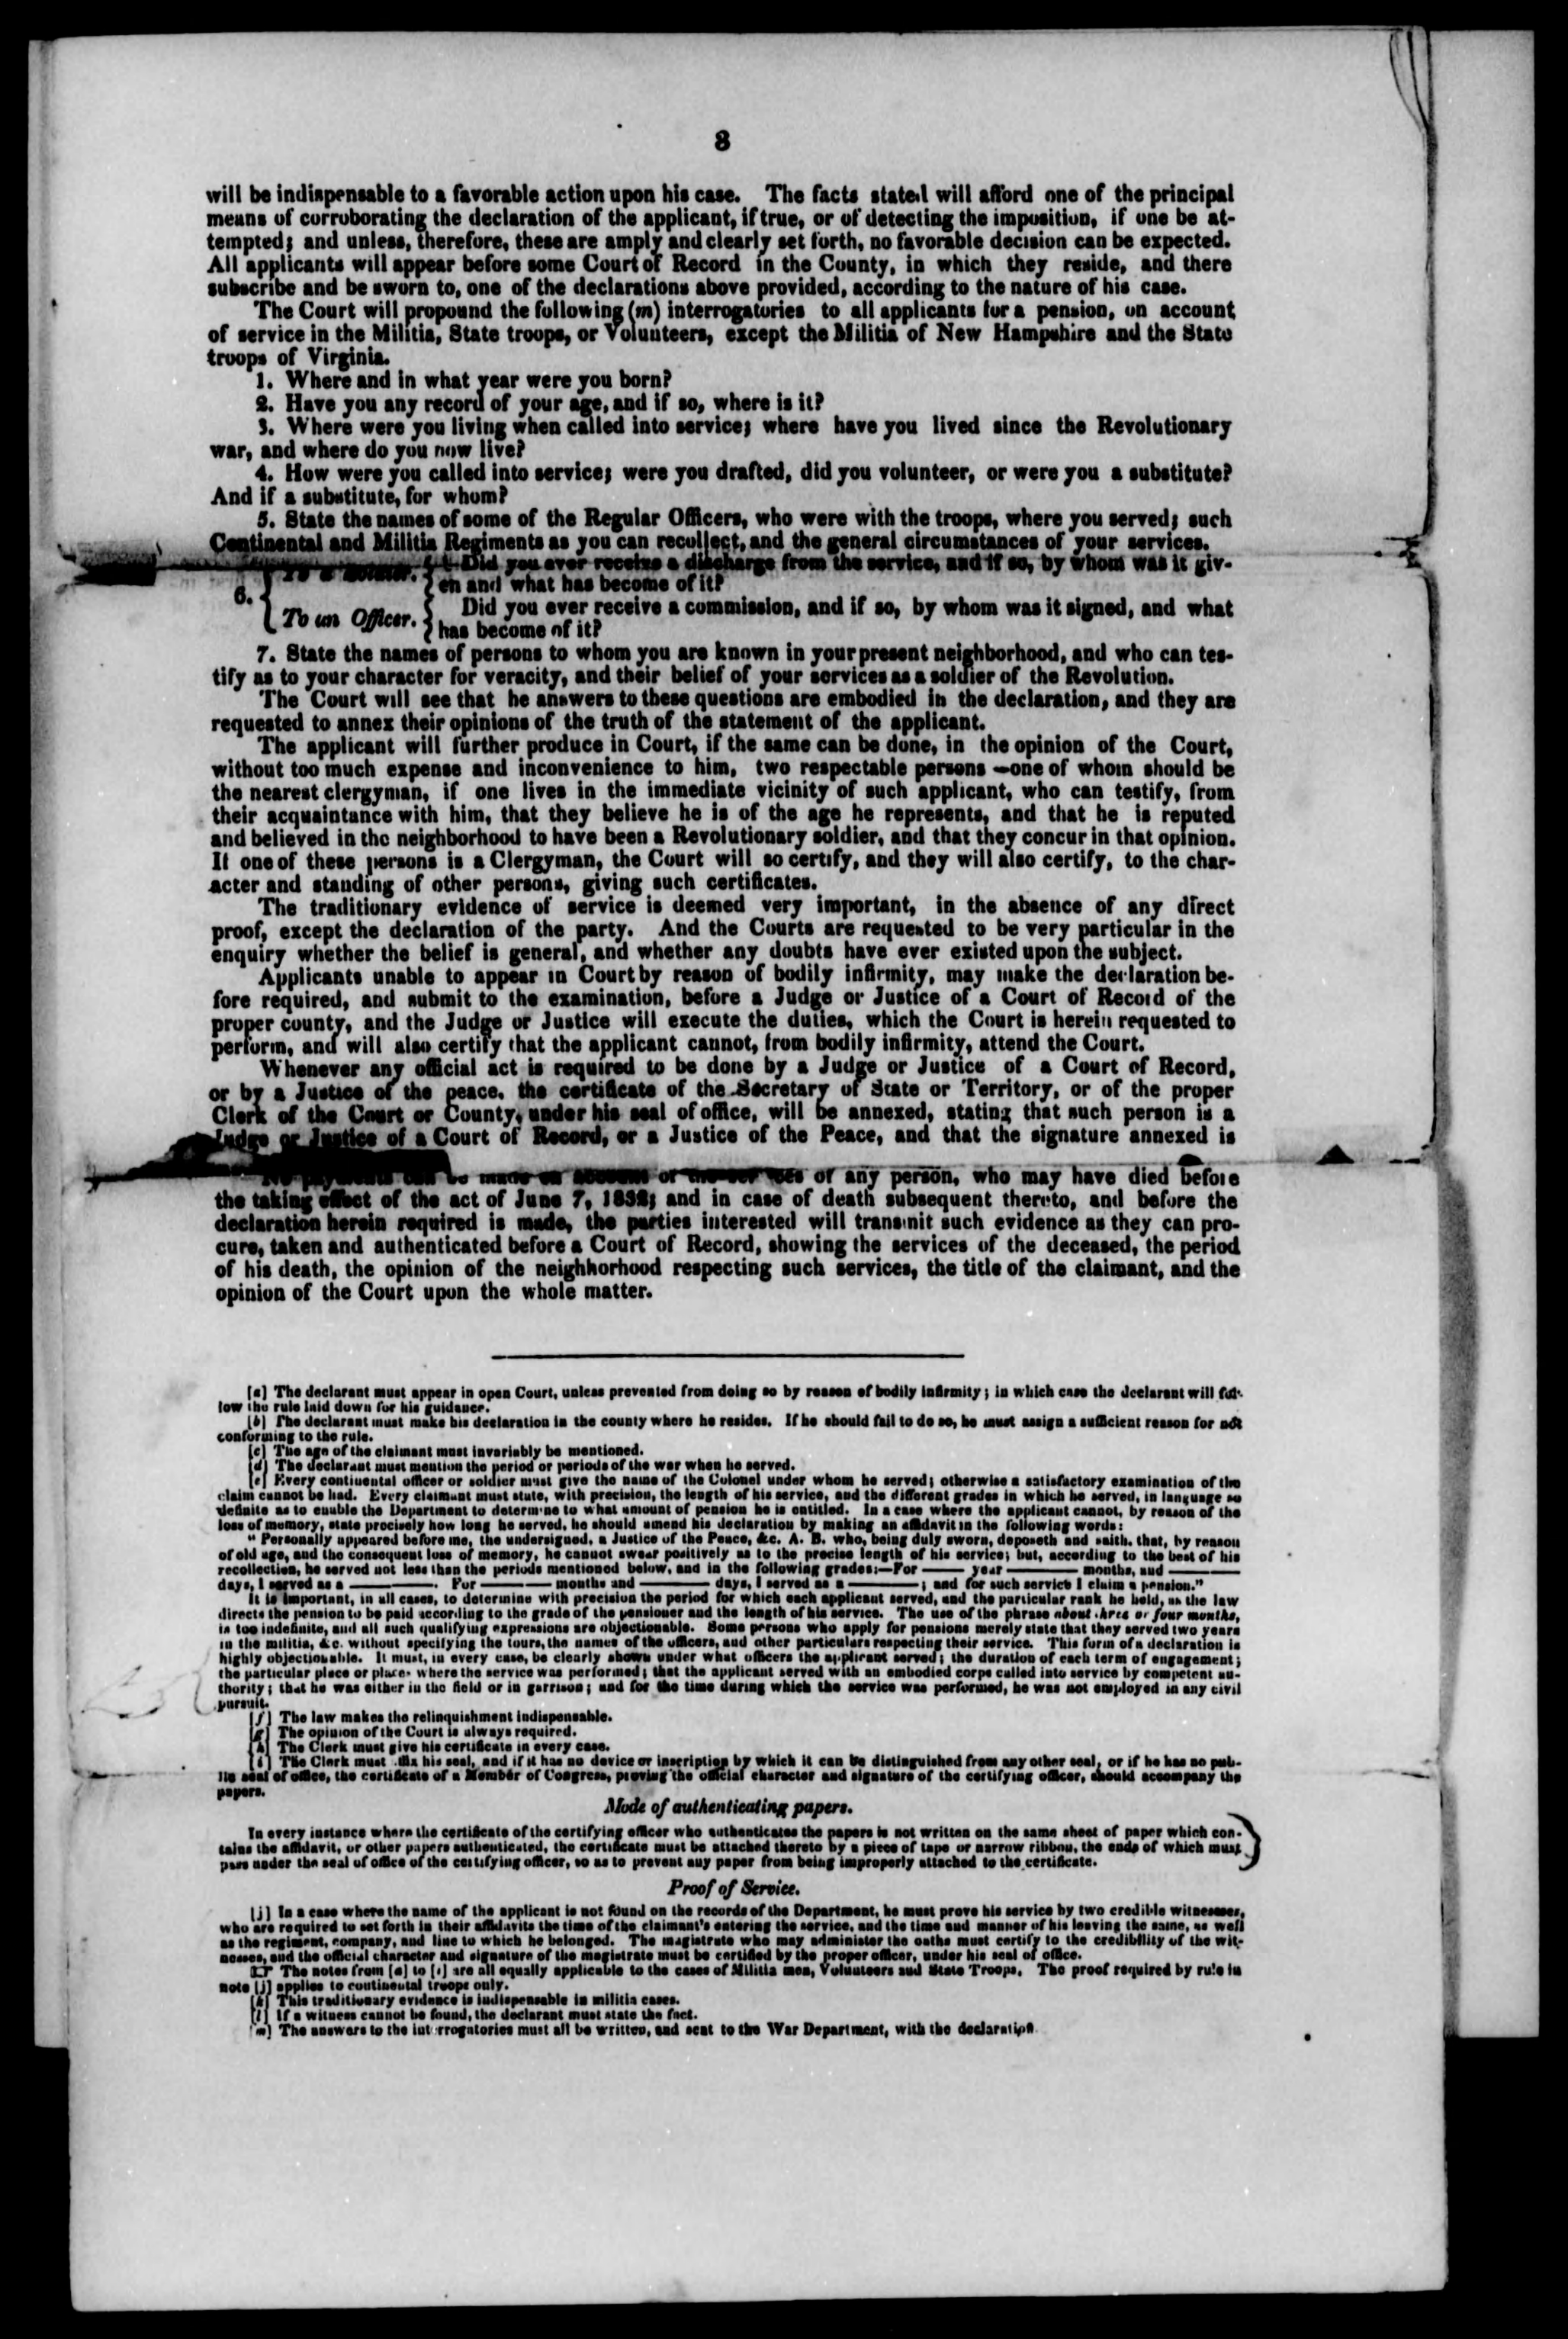and in case of death subsequent thereto, and before the declaration herein required is made, the parties interested will transmit such evidence as they can procure, taken and authenticated before a Court of Record, showing the services of the deceased, the period of his death, the opinion of the neighborhood respecting such services, the title of the claimant, and the opinion of the Court upon the whole matter..
[a] The declarant must appear in open Court, unless prevented from doing so reason of bodily infirmity; in which case the declarant will follow the rule laid down for his guidance.
[b] The declarant must make  his declaration in the county where he resides. If he should fail to do so, he must assign a sufficient reason for not conforming to the rule.
[c] The age of the claimant must invariably be mentioned.
[d] The declarant must mention the period or periods of the war when he served.
[e] Every continental officer or soldier must give the name of the Colonel under whom he served; otherwise a satisfactory examination of the claim cannot be had. Every claimant must state, with precision, the length of his service, and the different grade in which he served, in language so definite as to enable the Department to determine to what amount of pension he is entitled. In a case where the applicant cannot, by reason of the loss of memory, state precisely how long he served, he should amend his declaration by making an affidavit in the following words: "Personally appeared before me, the undersigned, a Justice of the Peace, &c. A.B. who, being duly sworn, deposeth and saith, that, by reason of old age, an the consequent loss of memory he cannot swear positively as in the precise length of his service; but, according to the best of his recollection, he served not less than the periods mentioned below, and in the following grades:--For-- year --months, and --days, I served as a --. For --months and --days, I served as a --  and for each service I claim a pension."
It is important, in all cases, to determine with precision the period for which each applicant served, and the particular rank he held, as the law directs the pension to be paid according to the grade of the pensioner and the length of his service The use of the phrase about three or four months, is too indefinite, and all such qualifying expressions are objectionable. Some persons who apply for pensions merely state that they served two years in the militia, i.e. without specifying the tours, the names of the officers, and other particulars respecting their service. This form of declaration is high objectionable. It must, in every case, be clearly shown under what offices the applicant served; the duration of each term of engagement; the particular piece or place where the service was performed; that the applicant served with an embodied corps called into service by competent authority; that he was either in the field or in garrison; and for the time during which the service was performed, he was not employed in any  civil pursuit.
[f] The law makes the relinquishment indispensable.
[g] The opinion of the Court is always required.
[h] The Clerk must give his certificate in every case.
[i] The Clerk must affix his seal, and if it has no device or inscription by which it can be distinguished from any other seal, or if he has no public seal of office, the certificate of a Member of Congress, proving the official character and signature of the certifying officer, should accompany the papers.
Mode of authenticating papers. In every instance where the certificate of the certifying officer who authenticates the papers is not written on the same sheet of paper which contains the affidavit, or other papers authenticate, the certificate must be attached thereto by a piece of tape or narrow ribbon, the ends of which must pass under the seal of office of the certifying officer, so as to prevent any paper from being improperly attached to the certificate.
Proof of Service.
[j] in a case where the name of the applicant is not found on the records of the department, he must  prove his service by two credible witnesses, who are required to set forth in the affidavits the time of the claimant's entering the service, and the time and manner of leaving the same, as well a the regiment, company, and line to which he belonged. The magistrate who may administer the oaths must certify to the credibility of the witnesses, and the official character and signature of the magistrate must be certified by the proper officer, under his seal of office.
[ ] The notes from [a[ to [i] are all equally applicable to the cases of Militia and, Volunteers and State Troops The proof required by rule in note [j] applies to continental troops only.
[k] This traditionary evidence is indispensable in militia cases.
[l] If a witness cannot be found, the declarant must state the fact.
[m] The answers to the interrgatories must all be written, and sent to the War Department, with the declaration.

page: 14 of 35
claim: rejected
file: R. 9601, for John Simson, New Jersey